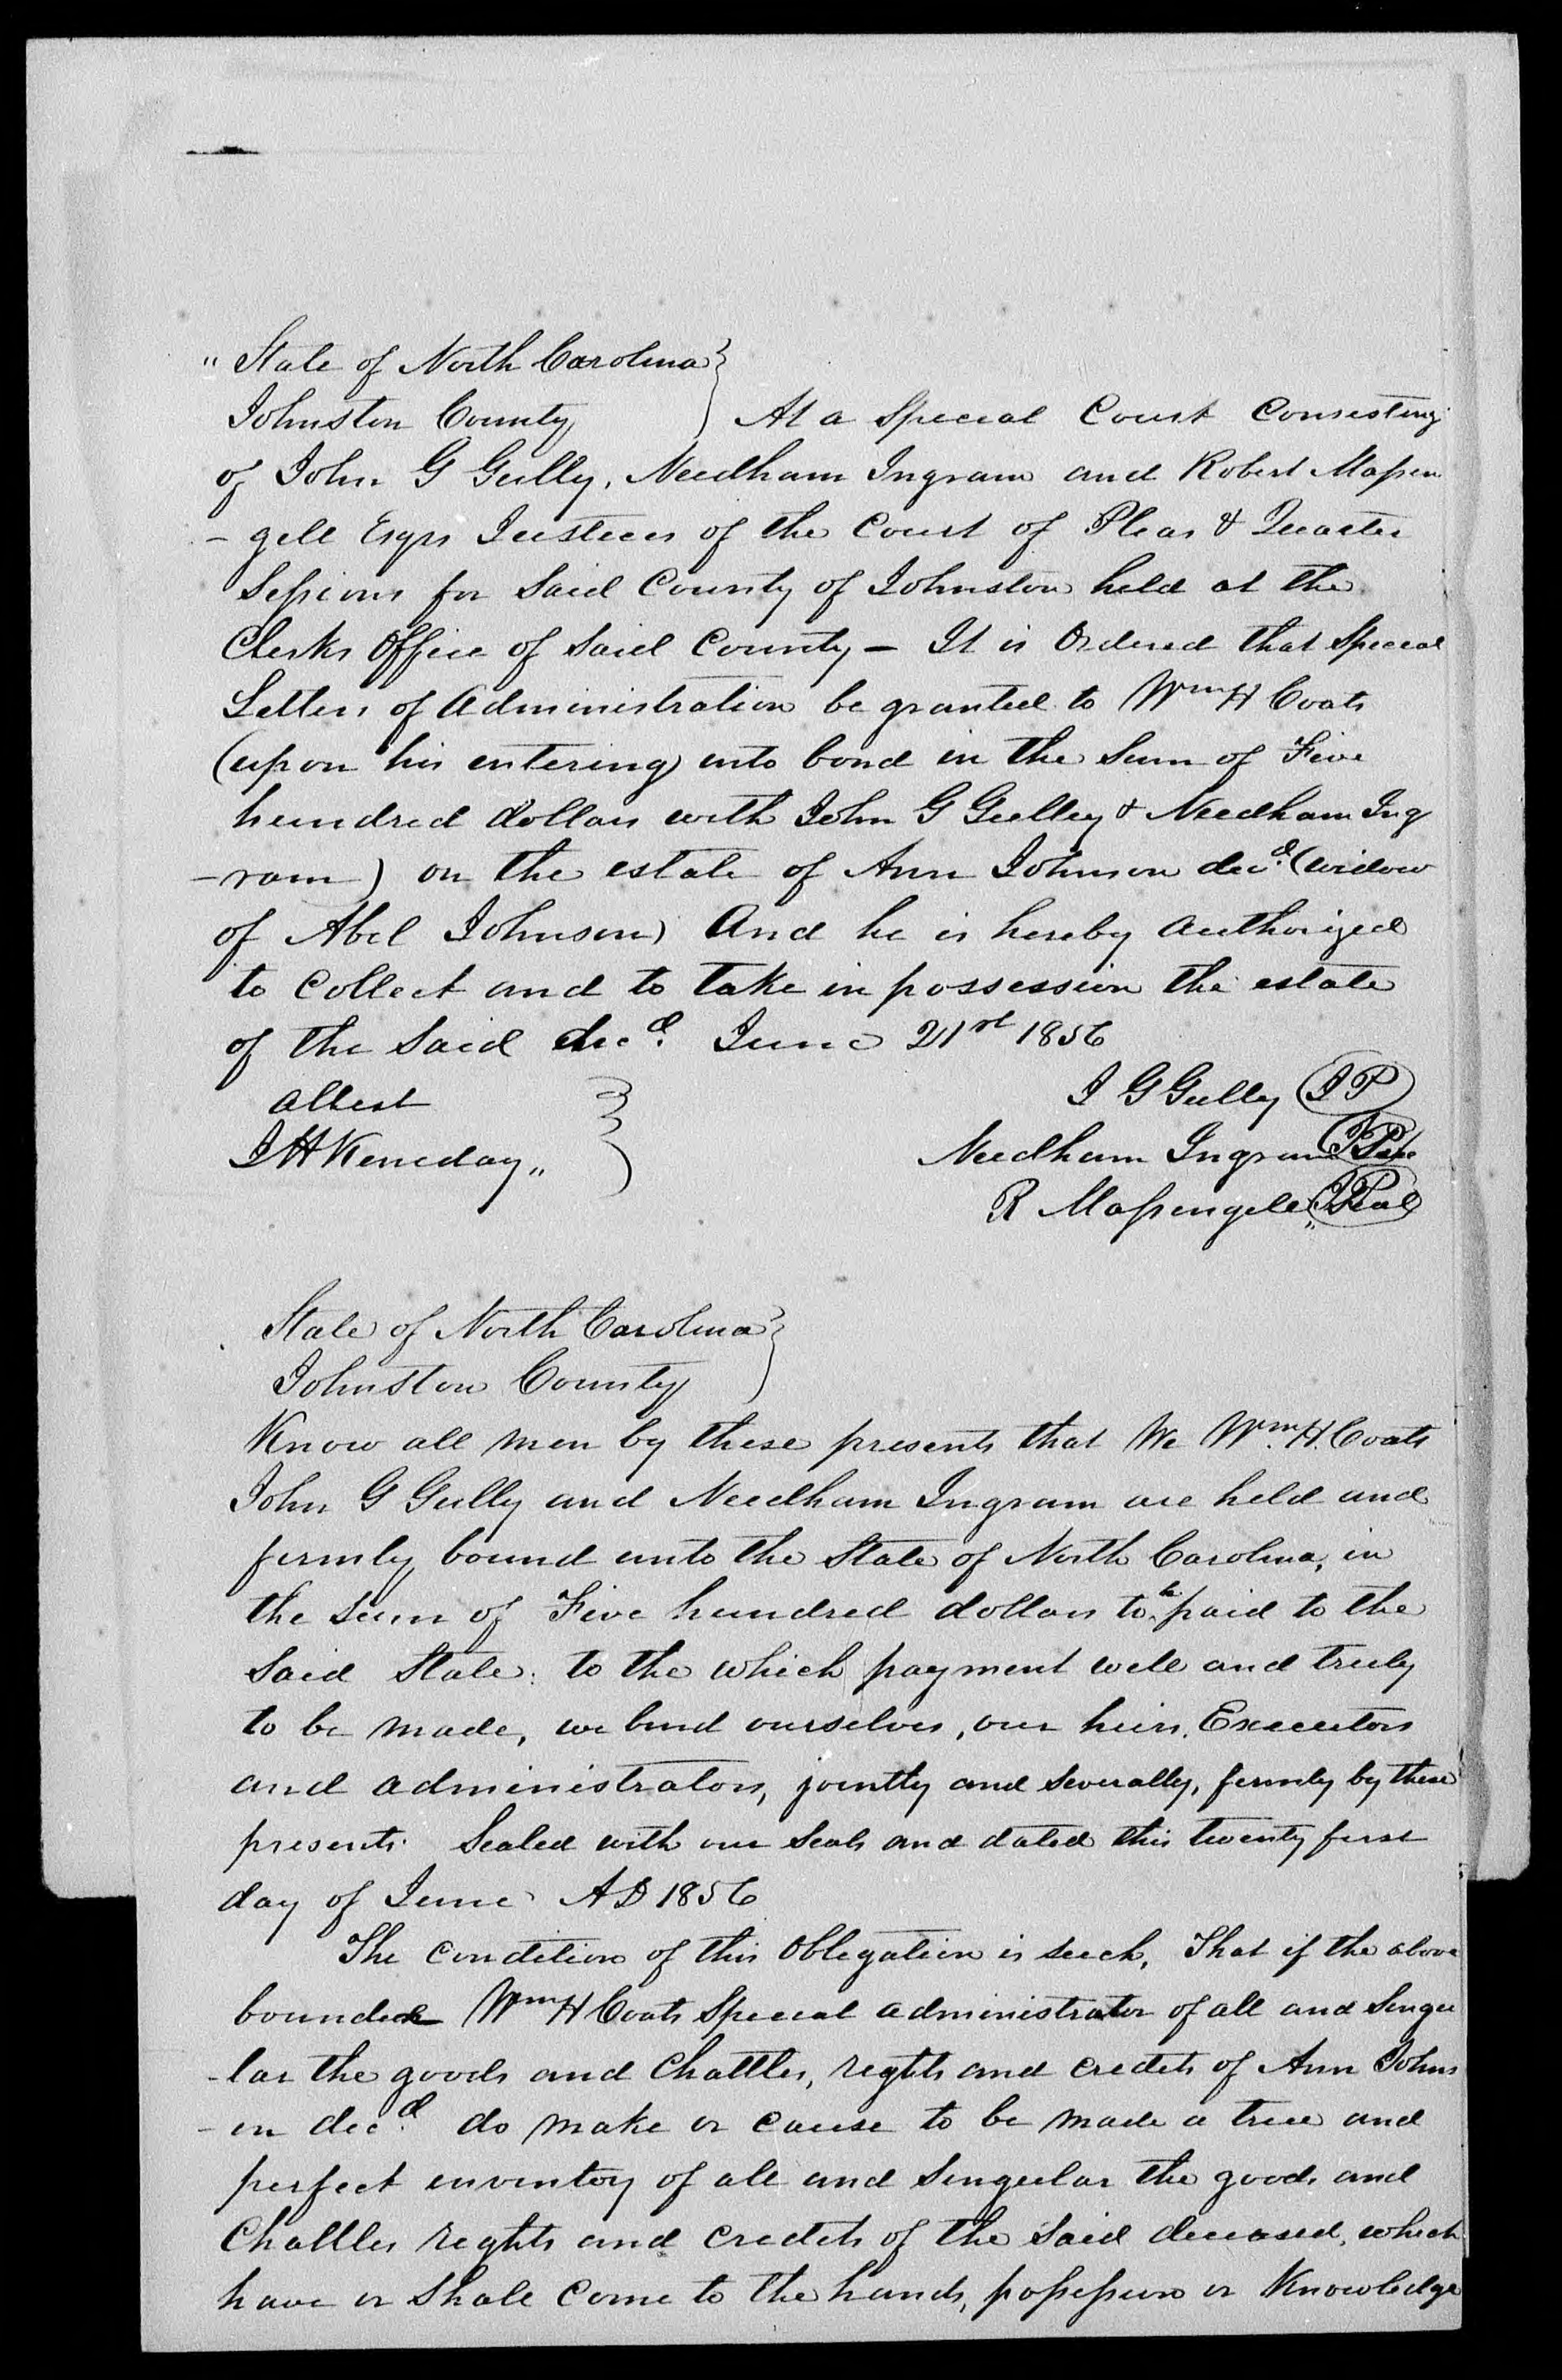State of North Carolina Johnston County At a Special Court consisting of John G. Gully, Needham Ingram, and Robert Massengell, Esqs., Justices of the Court of Pleas and Quarter Sessions for said County of Johnston held at the Clerks Office of said County.   It is ordered that special letter of administration be granted to William H. Coats (upon his entering into bond in the sum of five hundred dollars with John G. Gully and Needham Ingram) on the estate of Ann Johnson deceased (widow of Abel Johnson) and he is hereby authorized to collect and to take in possession the estate of the said deceased. June 21st, 1856.    Attest J H Keneday }
J G. Gully [JP]
Needham Ingram  [JP seal]
R Massengell  [JP seal]
State of North Carolina Johnston County    Know all men by these presents that we William H. Coats, John G. Gully, and Nathan Ingram are held and firmly bound unto the State of North Carolina in the sum of five hundred dollars to be paid to the said State to which payment well and truly to be made, we bind ourselves, our heirs, executors and administrators, jointly and severally, firmly by these presents.   Sealed with and dated this twenty first day of June A.D. 1856.     
The condition of the obligation is such that if the above bounded William H. Coats administrator of all and singular the goods and chattels, rights and credits of Ann Johnson deceased, do make or cause to be made a true and perfect inventory of all and singular the good and chattel rights and credits of the said deceased, which have or shall come to the hands, possession or knowledge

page: 66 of 74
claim: rejected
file: R. 5600, for Abel Johnson, North Carolina